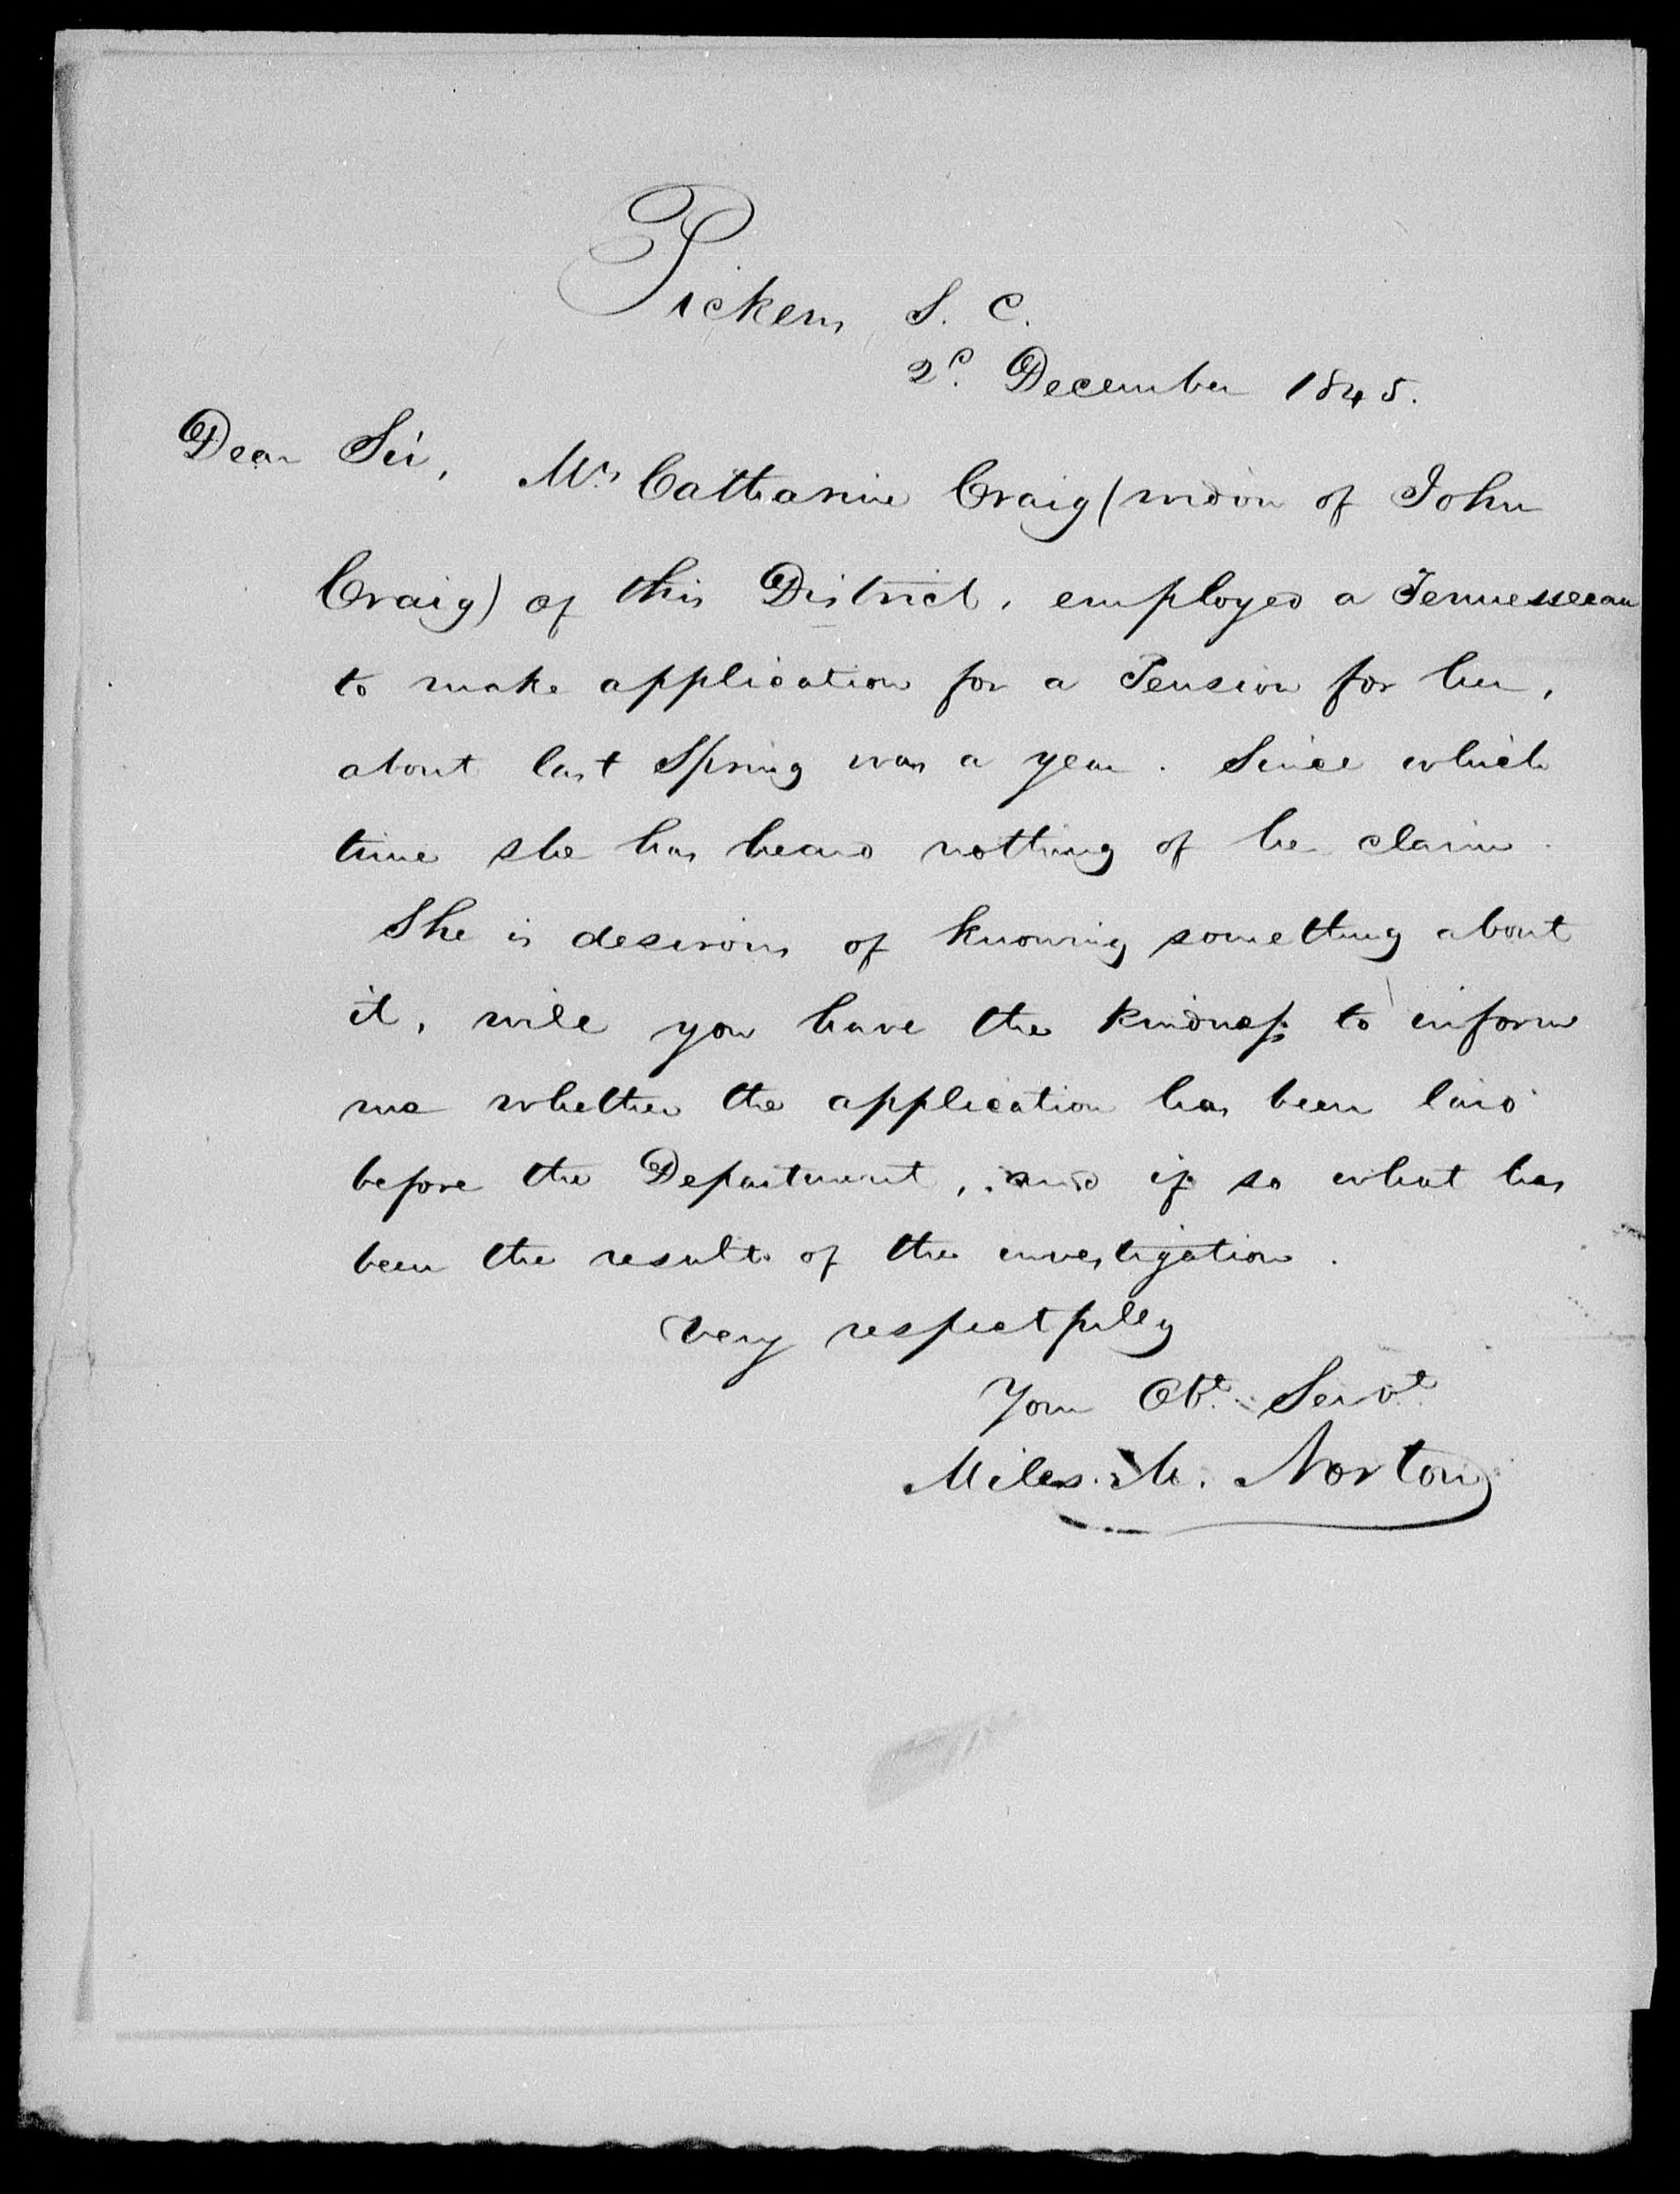Pickens S. C.
2d December 1845
Dear Sir, Mrs Catharine Craig (widow of John Craig) of this District, employed a Tennessean to make application for a Pension for her, about last Spring was a year. Since which
time she has heard nothing of her claim.
She is desirous of knowing something about it, will you have the kindness to inform me whether the application has been laid before the Department, and if so what has been the result of the investigation.
Very respectfully
Your Obt Servt
Miles M. Norton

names: John Craig, Catharine Craig, Miles M Norton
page: 44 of 55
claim: widow's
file: W. 22864, John Craig, S.C. Born In Iceland